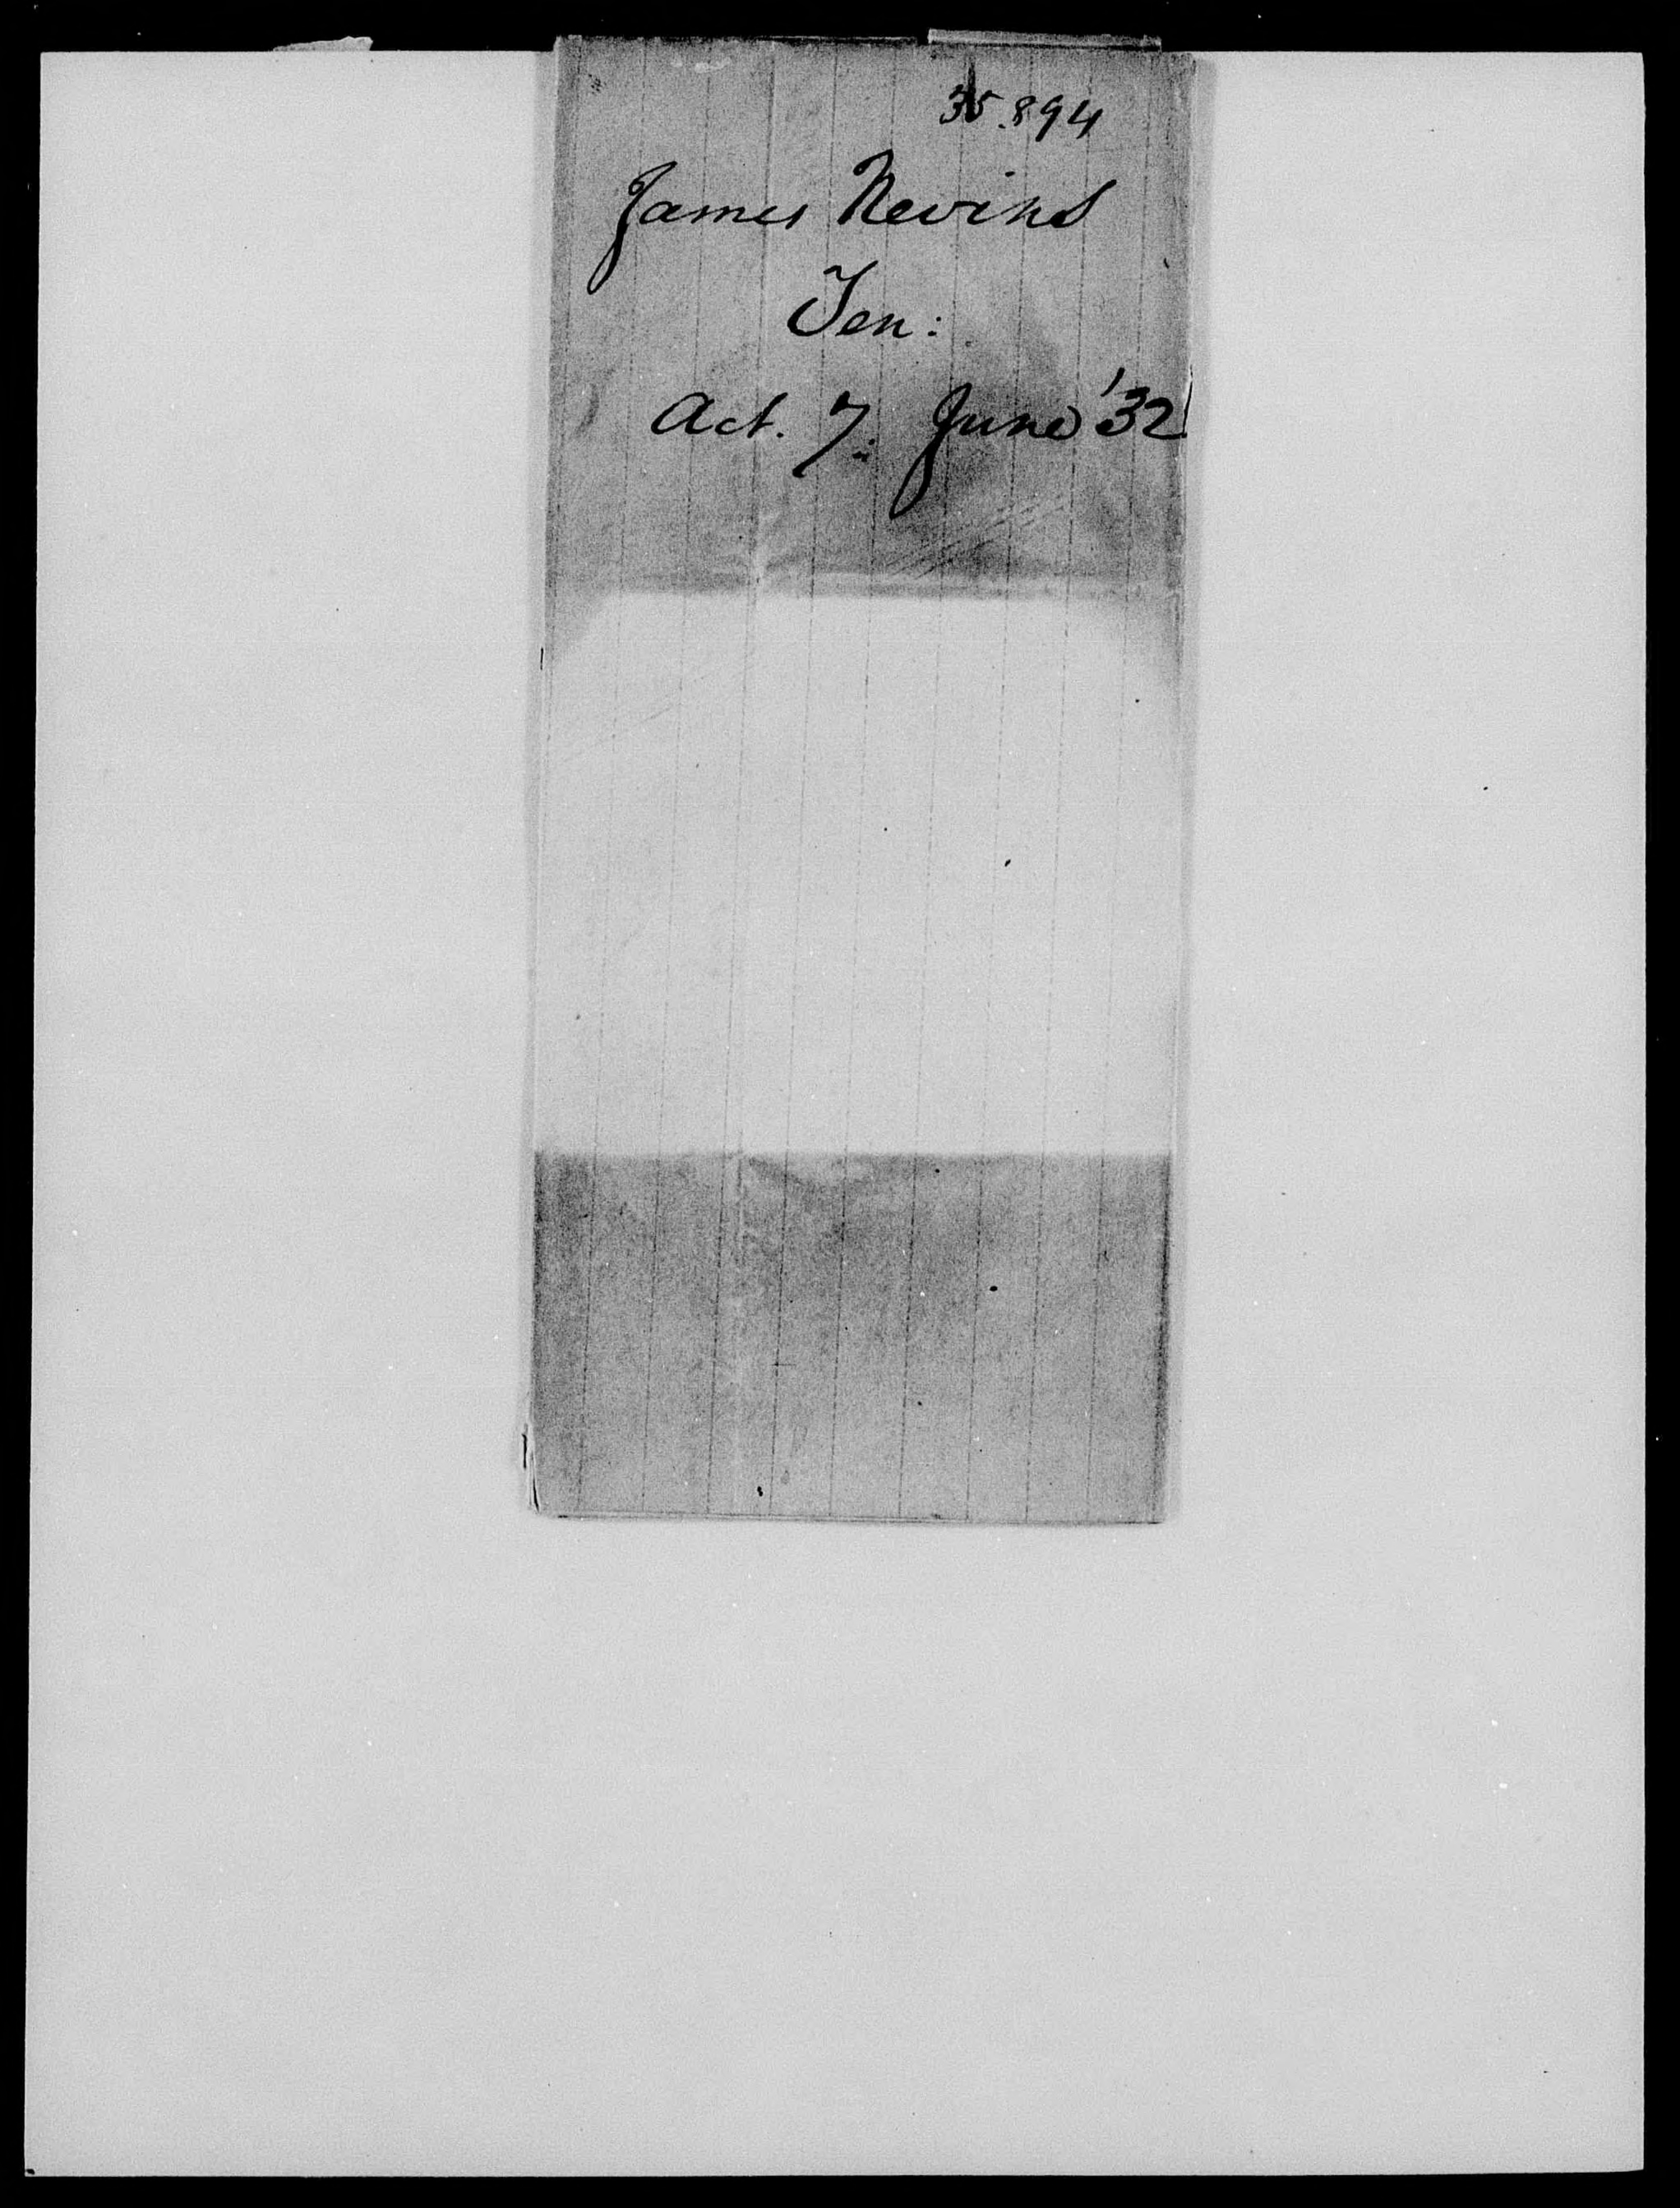35894
James Nevins
Ten:
Act. 7 June '32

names: James Nevins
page: 4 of 10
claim: rejected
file: R. 7,607, for James Levins, Georgia